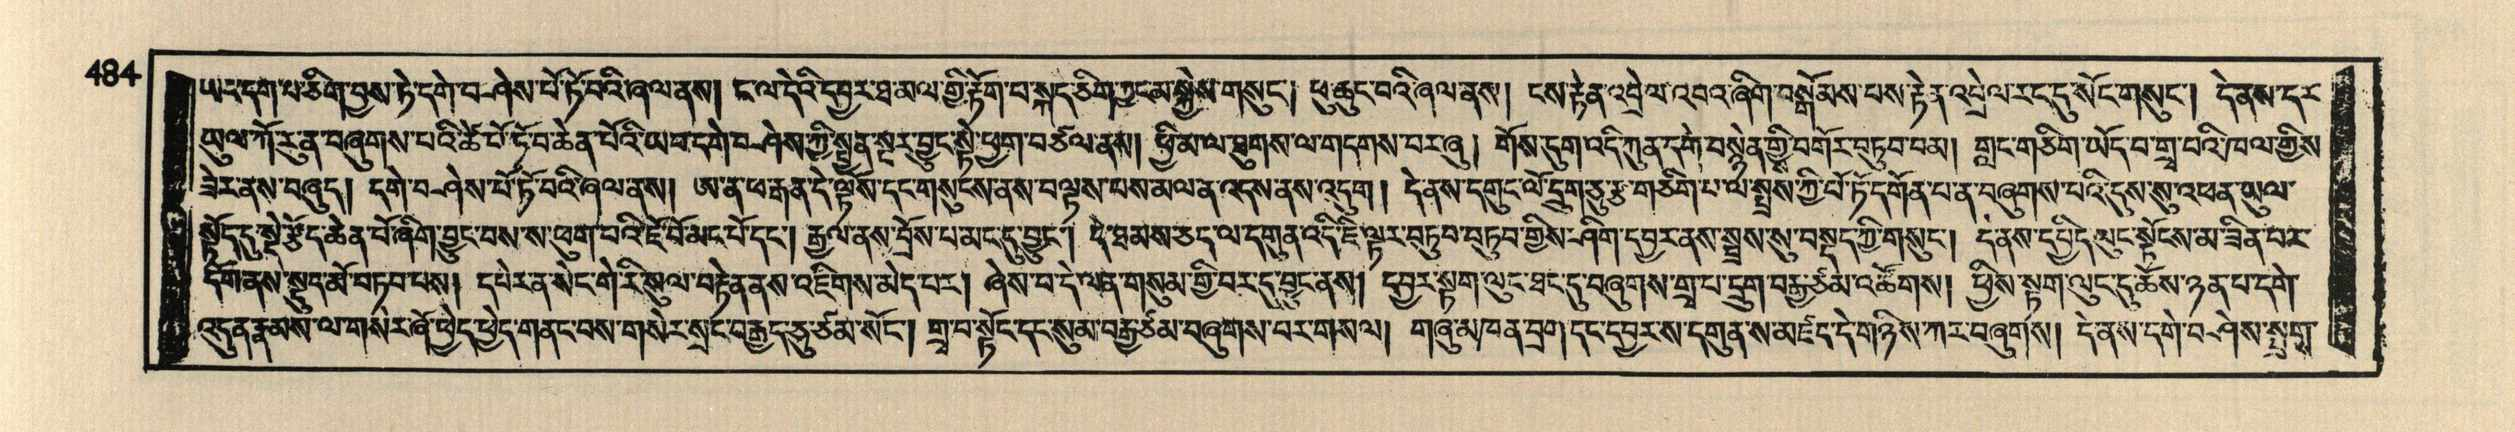ཡང་དག་པ་ཅིག་བྱས་ཏེ་དགེ་བཤེས་པོ་ཏོ་བའི་ཞལ་ནས། ང་ལ་དེའི་དབྱར་ཐ་མལ་གྱི་རྟོག་པ་སྐད་ཅིག་ཀྱང་མ་སྐྱེས་གསུང་། ཕུ་ཆུང་བའི་ཞལ་ནས། ངས་རྟེན་འབྲེལ་འབའ་ཞིག་བསྒོམས་པས་རྟེན་འབྲེལ་རང་དུ་སོང་གསུང་། དེ་ནས་དར་
ཡུལ་ཀོ་རུ་ན་བཞུགས་པའི་ཚེ་པོ་ཏོ་བ་ཆེན་པོའི་ཡབ་དགེ་བཤེས་ཀྱི་སྤྱན་སྔར་བྱུང་སྟེ་ཕྱག་བཙལ་ནས། ཕྱི་མ་ལ་ཐུགས་ལ་གདགས་པར་ཞུ། གོས་དུག་འདི་ཀུན་དགེ་བསྙེན་གྱིས་བགོར་བཏུབ་བམ། གླང་གཅིག་ཡོད་པ་གྲྭ་བའི་ཁལ་གྱིས་
ཟེར་ནས་བཞུད། དགེ་བཤེས་པོ་ཏོ་བའི་ཞལ་ནས། ཨ་ན་ཕ་རྒན་དེ་ལྟོས་དང་གསུངས་ནས་བལྟས་པས་མལ་ན་འདས་ནས་འདུག། དེ་ནས་དགུང་ལོ་དྲུག་ཅུ་རྩ་གཅིག་པ་ལ་སྤྲས་ཀྱི་པོ་ཏོ་དགོན་པ་ན་བཞུགས་པའི་དུས་སུ་འཕན་ཡུལ་
སྟོད་དུ་སྡེ་རྩོད་ཆེན་པོ་ཞིག་བྱུང་བས་ས་ཕུག་པའི་ཇོ་བོ་མང་པོ་དང་། རྒྱལ་ནས་བྲོས་པ་མང་དུ་བྱུང་། དེ་ཐམས་ཅད་ལ་དགུན་འདི་ཇི་ལྟར་བཏུབ་བཏུབ་གྱིས་ཤིག་དབྱར་ནས་སྦྲས་སུ་བསྡད་ཀྱི་གསུང་། དེ་ནས་དཔྱིད་ལུང་སྟོངས་མ་ཟིན་པར་
དོག་ནས་སྡུད་མོ་བཏབ་པས། དཔེར་ན་སེང་གེ་རི་སུལ་བརྟེན་ནས་འཇིགས་མེད་པར། ཞེས་པ་དེ་ལན་གསུམ་གྱི་བར་དུ་བྱུང་ནས། དབྱར་སྟག་ལུང་ཐང་དུ་བཞུགས་གྲྭ་པ་དྲུག་བརྒྱ་ཙམ་འཚོགས། ཕྱིས་སྟག་ལུང་དུ་ཆོས་ཉན་པ་དགེ་
འདུན་རྣམས་ལ་གསེར་ཞོ་ཕྱེད་ཕྱེད་གནང་བས་གསེར་སྲང་བརྒྱད་ཅུ་ཙམ་སོང་། གྲྭ་བ་སྟོང་དང་སུམ་བརྒྱ་ཙམ་བཞུགས་པར་གསལ། གཞུ་མཁན་བྲག་དང་དབྱར་ས་དགུན་ས་མཛད་དེ་གཉིས་ཀར་བཞུགས། དེ་ནས་དགེ་བཤེས་སྦྲགས་